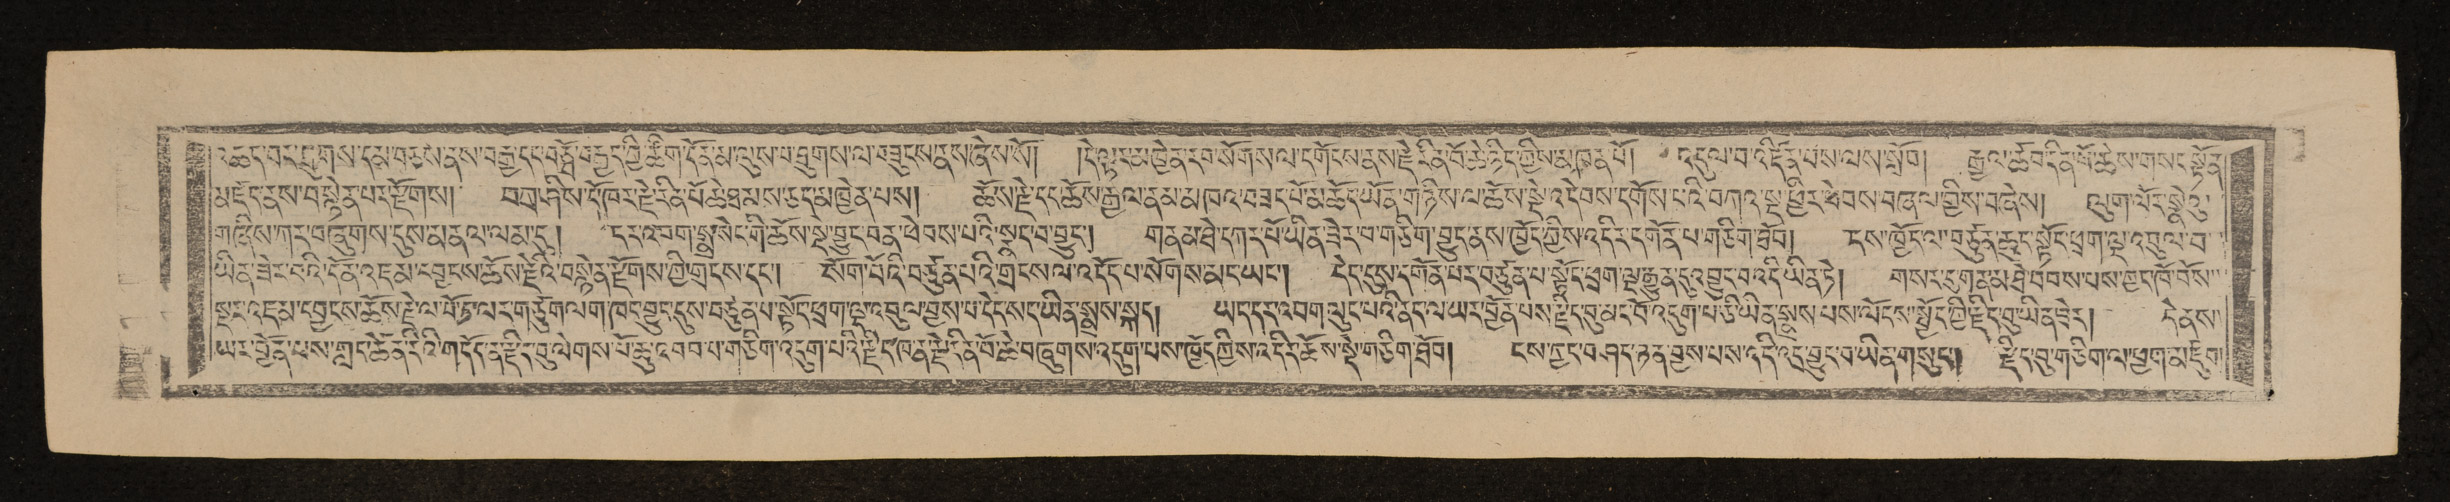འཆད་པར་ཐུགས་དམ་བཅས་ནས་བརྒྱ་དང་བཅྭོ་བརྒྱད་ཀྱི་ཚིག་དོན་མ་ལུས་པ་ཐུགས་ལ་བཟུངས་རྣས་ཞེས་སོ། །དེ་ལྟར་མཁྱེན་རབ་སོགས་ལ་དགོངས་ནས་རྗེ་རིན་པོ་ཆེ་ཉིད་ཀྱིས་མཁན་པོ། འདུལ་བ་འཛིན་པས་ལས་སློབ། རྒྱལ་ཚབ་རིན་པོ་ཆེས་གསང་སྟོན་
མཛད་ནས་བསྙེན་པར་རྫོགས། བཀྲ་ཤིས་དོ་ཁར་རྗེ་རིན་པོ་ཆེ་ཐམས་ཅད་མཁྱེན་པས། ཆོས་རྗེ་དང་ཆོས་རྒྱལ་ནམ་མཁའ་བཟང་པོ་མཆོད་ཡོན་གཉིས་ལ་ཆོས་སྡེ་འདེབས་དགོས་པའི་བཀའ་སྔ་ཕྱིར་ཕེབས་བཞལ་གྱིས་བཞེས། ལུག་ལོར་སྣེའུ་
གཞིས་ཀར་བཞུགས་དུས་མནལ་ལམ་དུ། དར་འབག་སྨྲ་སེང་གི་ཆོས་སྡེ་བྱུང་བ་ན་ཕེབས་པའི་སྣང་བ་བྱུང་། གནམ་ཐེ་དཀར་པོ་ཡིན་ཟེར་བ་གཅིག་བྱུང་ནས་ཁྱོད་ཀྱིས་འདིར་དགོན་པ་གཅིག་ཐོབ། ངས་ཁྱོད་ལ་བཙུན་ཆུང་སྟོང་ཕྲག་ལྔ་འབུལ་བ་
ཡིན་ཟེར་བའི་དོན་འཇམ་དབྱངས་ཆོས་རྗེའི་བསྙེན་རྫོགས་ཀྱི་གྲངས་དང་། སོག་པོའི་བཙུན་པའི་གྲངས་ལ་འདོད་པ་སོགས་མང་ཡང་། དེད་དུས་དགོན་པར་བཙུན་པ་སྟོང་ཕྲག་ལྔ་རྒྱུན་དུ་འབྱུང་བ་འདི་ཡིན་ཏེ། གསར་དུ་གནམ་ཐེ་བབས་པས་ཀྱང་ཁོ་བོས་
སྔར་འཇམ་དབྱངས་ཆོས་རྗེ་ལ་པོ་ཏ་ལར་གཙུག་ལག་ཁང་བྱུང་དུས་བཙུན་པ་སྟོང་ཕྲག་ལྔ་འབུལ་བྱས་པ་དེང་སང་ཡིན་སྨྲས་སྐད། ཡང་དར་འབག་ལུང་པའི་ནང་ལ་ཡར་བྱོན་པས་རྫིང་བུ་མང་པོ་འདུག་པ་ཅི་ཡིན་སྨྲས་པས་ལོངས་སྤྱོད་ཀྱི་རྫིང་བུ་ཡིན་ཟེར། དེ་ནས་
ཡར་བྱོན་པས་གླང་ཆེན་རིའི་གདོང་ན་རྫིང་བུ་ལེགས་པོ་ཆུ་འབབ་པ་གཅིག་འདུག་པའི་རྫིང་ཁ་ན་རྗེ་རིན་པོ་ཆེ་བཞུགས་འདུག་པས་ཁྱོད་ཀྱིས་འདིར་ཆོས་སྡེ་གཅིག་ཐོབ། ངས་ཀྱང་བཤད་ཉན་བྱས་པས་འདི་འདྲ་བྱུང་བ་ཡིན་གསུང་། རྫིང་བུ་གཅིག་ལ་ཕྱག་མཛུབ་